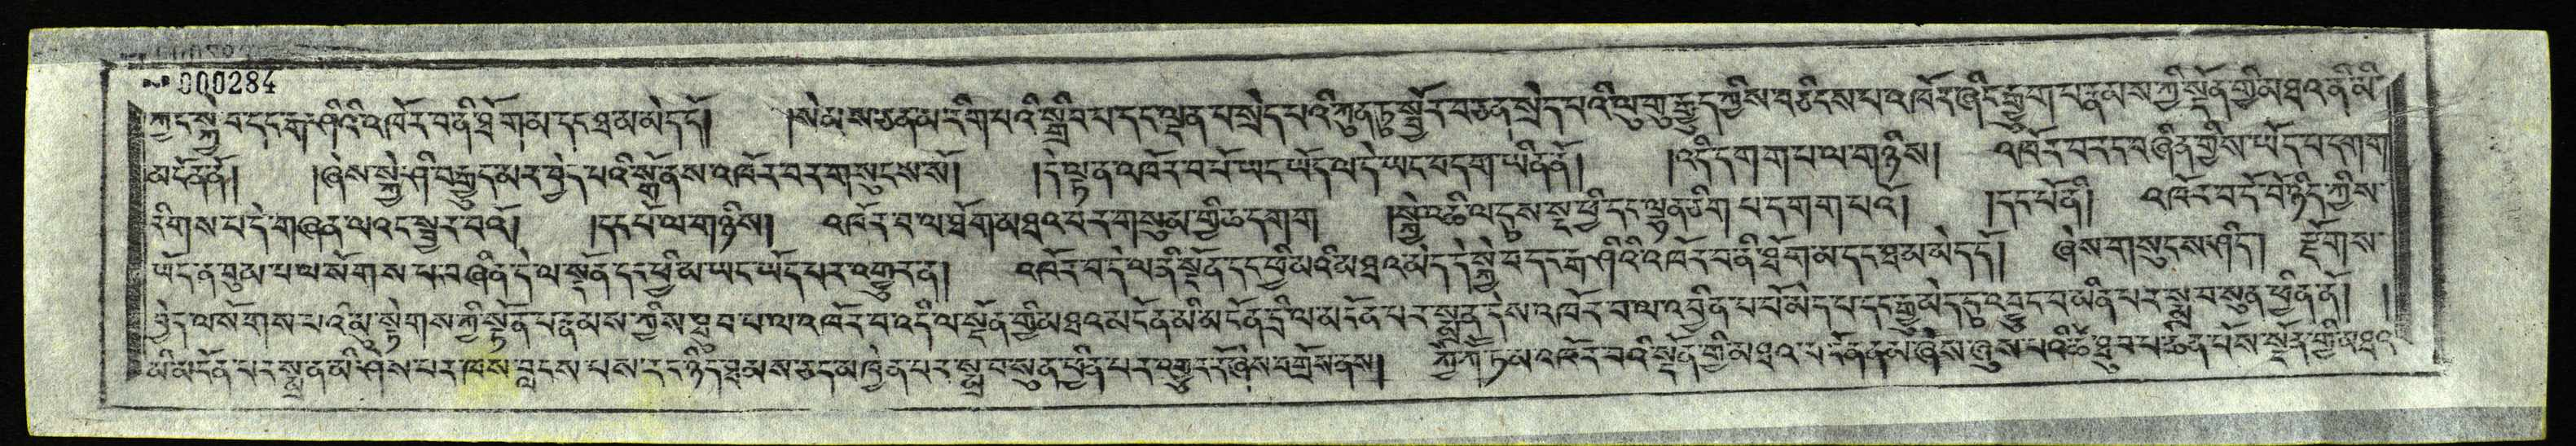ཀྱང་སྐྱེ་བ་དང་རྒ་ཤིའི་འཁོར་བ་ནི་ཐོག་མ་དང་ཐ་མ་མེད་དོ། །སེམས་ཅན་མ་རིག་པའི་སྒྲིབ་པ་དང་ལྡན་པ་སྲེད་པའི་ཀུན་ཏུ་སྦྱོར་བ་ཅན་སྲེད་པའི་ལུ་གུ་རྒྱུད་ཀྱིས་བཅིངས་པ་འཁོར་ཞིང་རྒྱུག་པ་རྣམས་ཀྱི་སྔོན་གྱི་མཐའ་ནི་མི་
མངོན་ནོ། །ཞེས་སྐྱེ་ཤི་བརྒྱུད་མར་བྱེད་པའི་སྒོ་ནས་འཁོར་བར་གསུངས་སོ། །དེ་ལྟ་ན་འཁོར་བ་པོ་ཡང་ཡོད་ལ་དེ་ཡང་བདག་ཡིན་ནོ། །འདི་དགག་པ་ལ་གཉིས། འཁོར་བ་རང་བཞིན་གྱིས་ཡོད་པ་དགག་
རིགས་པ་དེ་གཞན་ལའང་སྦྱར་བའོ། །དང་པོ་ལ་གཉིས། འཁོར་བ་ལ་ཐོག་མཐའ་བར་གསུམ་གྱི་ཆ་དགག །སྐྱེ་འཆི་ལ་དུས་སྔ་ཕྱི་དང་ལྷན་ཅིག་པ་དགག་པའོ། །དང་པོ་ནི། འཁོར་བ་ངོ་བོ་ཉིད་ཀྱིས་
ཡོད་ན་བུམ་པ་ལ་སོགས་པ་བཞིན་དེ་ལ་སྔོན་དང་ཕྱི་མ་ཡང་ཡོད་པར་འགྱུར་ན། འཁོར་བ་དེ་ལ་ནི་སྔོན་དང་ཕྱི་མའི་མཐའ་མེད་དེ་སྐྱེ་བ་དང་རྒ་ཤིའི་འཁོར་བ་ནི་ཐོག་མ་དང་ཐ་མ་མེད་དོ། ཞེས་གསུངས་ཤིང་། རྫོགས་
བྱེད་ལ་སོགས་པའི་མུ་སྟེགས་ཀྱི་སྟོན་པ་རྣམས་ཀྱིས་ཐུབ་པ་ལ་འཁོར་བ་འདི་ལ་སྔོན་གྱི་མཐའ་མངོན་མི་མངོན་དྲི་ལ་མངོན་པར་སྨྲ་ན་དེས་འཁོར་བ་ལ་འབྱིན་པ་པོ་མེད་པ་དང་རྒྱུ་མེད་དུ་འབྱུང་བ་མིན་པར་སྨྲ་བ་སུན་ཕྱིན་ནོ། །
མི་མངོན་པར་སྨྲ་ན་མི་ཤེས་པར་ཁས་བླངས་པས་རང་ཉིད་ཐམས་ཅད་མཁྱེན་པར་སྨྲ་བ་སུན་ཕྱིན་པར་འགྱུར་རོ་ཞེས་བགྲོས་ནས། ཀྱཻ་ཀཽ་ཏ་མ་འཁོར་བའི་སྔོན་གྱི་མཐའ་བ་དོན་ནམ་ཞེས་ཞུས་པའི་ཚེ་ཐུབ་པ་ཆེན་པོས་སྔོན་གྱི་མཐའ་